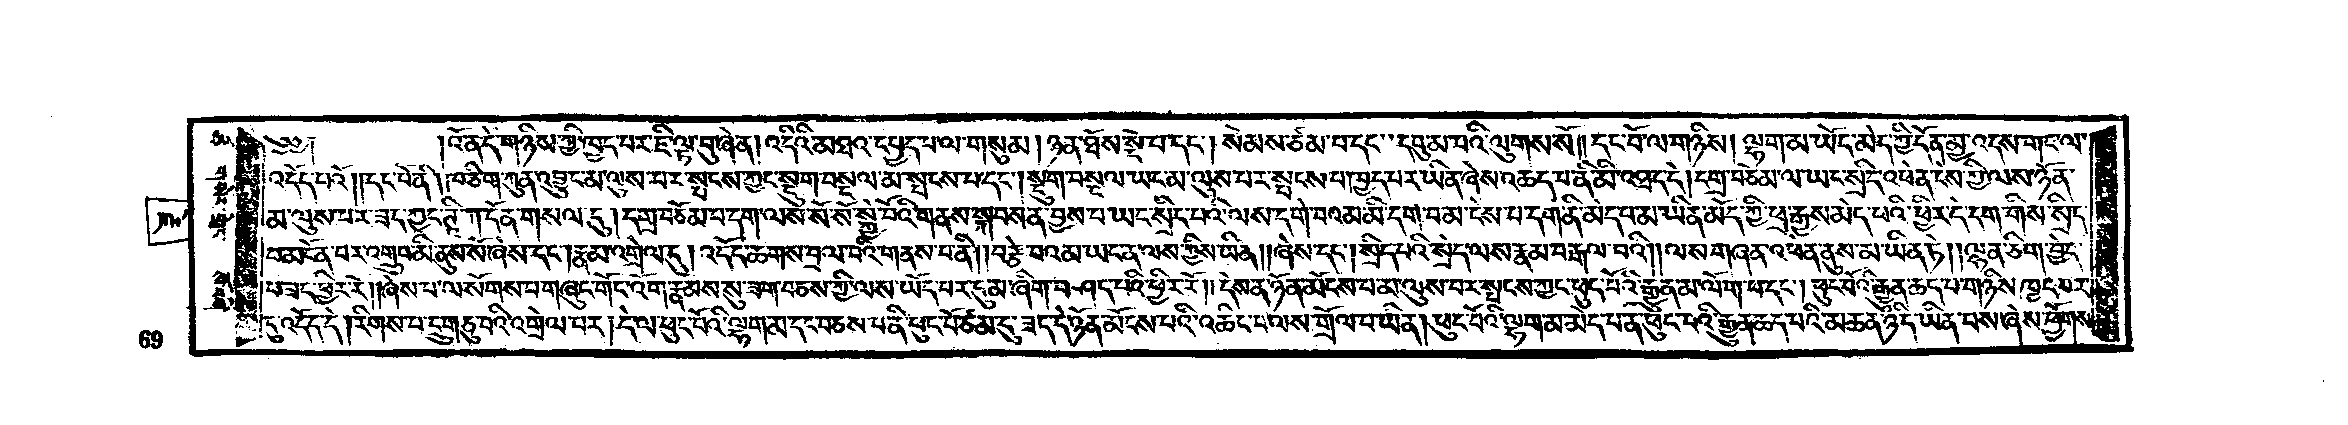༄༅། །འོ་ན་དེ་གཉིས་ཀྱི་ཁྱད་པར་ཇི་ལྟ་བུ་ཞེ་ན། འདིའི་མཐའ་དཔྱད་པ་ལ་གསུམ། ཉན་ཐོས་སྡེ་པ་དང་། སེམས་ཙམ་པ་དང་དབུ་མ་པའི་ལུགས་སོ། །དང་པོ་ལ་གཉིས། ལྷག་མ་ཡོད་མེད་ཀྱི་དོན་མྱ་འདས་གང་ལ་
འདོད་པའོ། །དང་པོ་ནི། ཁ་ཅིག་ཀུན་འབྱུང་མ་ལུས་པར་སྤངས་ཀྱང་སྡུག་བསྔལ་མ་སྤངས་པ་དང་། སྡུག་བསྔལ་ཡང་མ་ལུས་པར་སྤངས་པ་ཁྱད་པར་ཡིན་ཞེས་འཆད་པ་ནི་མི་འཐད་དེ། དགྲ་བཅོམ་ལ་ཡང་སྲིད་འཕེན་ངེས་ཀྱི་ལས་ཉོན་
མ་ལུས་པར་ཟད་ཀྱང་ཊཱི་ཀ་དོན་གསལ་དུ། དགྲ་བཅོམ་པ་དག་ལས་སོ་སོ་སྐྱེ་བོའི་གནས་སྐབས་ན་བྱས་པ་ཡང་སྲིད་པའི་ལས་དགེ་བའམ་མི་དགེ་བ་མ་ངེས་པ་དག་ནི་མེད་པ་མ་ཡིན་མོད་ཀྱི་ཕྲ་རྒྱས་མེད་པའི་ཕྱིར་དེ་དག་གིས་སྲིད་
པ་མངོན་པར་འགྲུབ་མི་ནུས་སོ་ཞེས་དང་། རྣམ་འགྲེལ་དུ། འདོད་ཆགས་བྲལ་བའི་གནས་པ་ནི། །བརྩེ་བའམ་ཡང་ན་ལས་ཀྱིས་ཡིན། །ཞེས་དང་། སྲིད་པའི་སྲེད་ལས་རྣམ་བརྒལ་བའི། །ལས་གཞན་འཕེན་ནུས་མ་ཡིན་ཏེ། །ལྷན་ཅིག་བྱེད་
པ་ཟང་ཕྱིར་རོ། །ཞེས་པ་ལ་སོགས་པ་གཞུང་གོང་འོག་རྣམས་སུ་ཟག་བཅས་ཀྱི་ལས་ཡོད་པར་དུ་མ་ཞིག་བཤད་པའི་ཕྱིར་རོ། །དེས་ན་ཉོན་མོངས་པ་མ་ལུས་པར་སྤངས་ཀྱང་ཕུང་པོའི་རྒྱུན་མ་ལོག་པ་དང་། ཕུང་པོའི་རྒྱུན་ཆད་པ་གཉིས་ཁྱད་པར་
དུ་འདོད་དེ། རིགས་པ་དྲུག་ཅུ་པའི་འགྲེལ་པར། དེ་ལ་ཕུང་པོའི་ལྷག་མ་དང་བཅས་པ་ནི་ཕུང་པོ་ཙམ་དུ་ཟད་དེ་ཉོན་མོངས་པའི་འཆིང་པ་ལས་གྲོལ་པ་ཡིན། ཕུང་པོའི་ལྷག་མ་མེད་པ་ནི་ཕུང་པོའི་རྒྱུན་ཆད་པའི་མཚན་ཉིད་ཡིན་པས་ཞེས་ཕྱོགས་